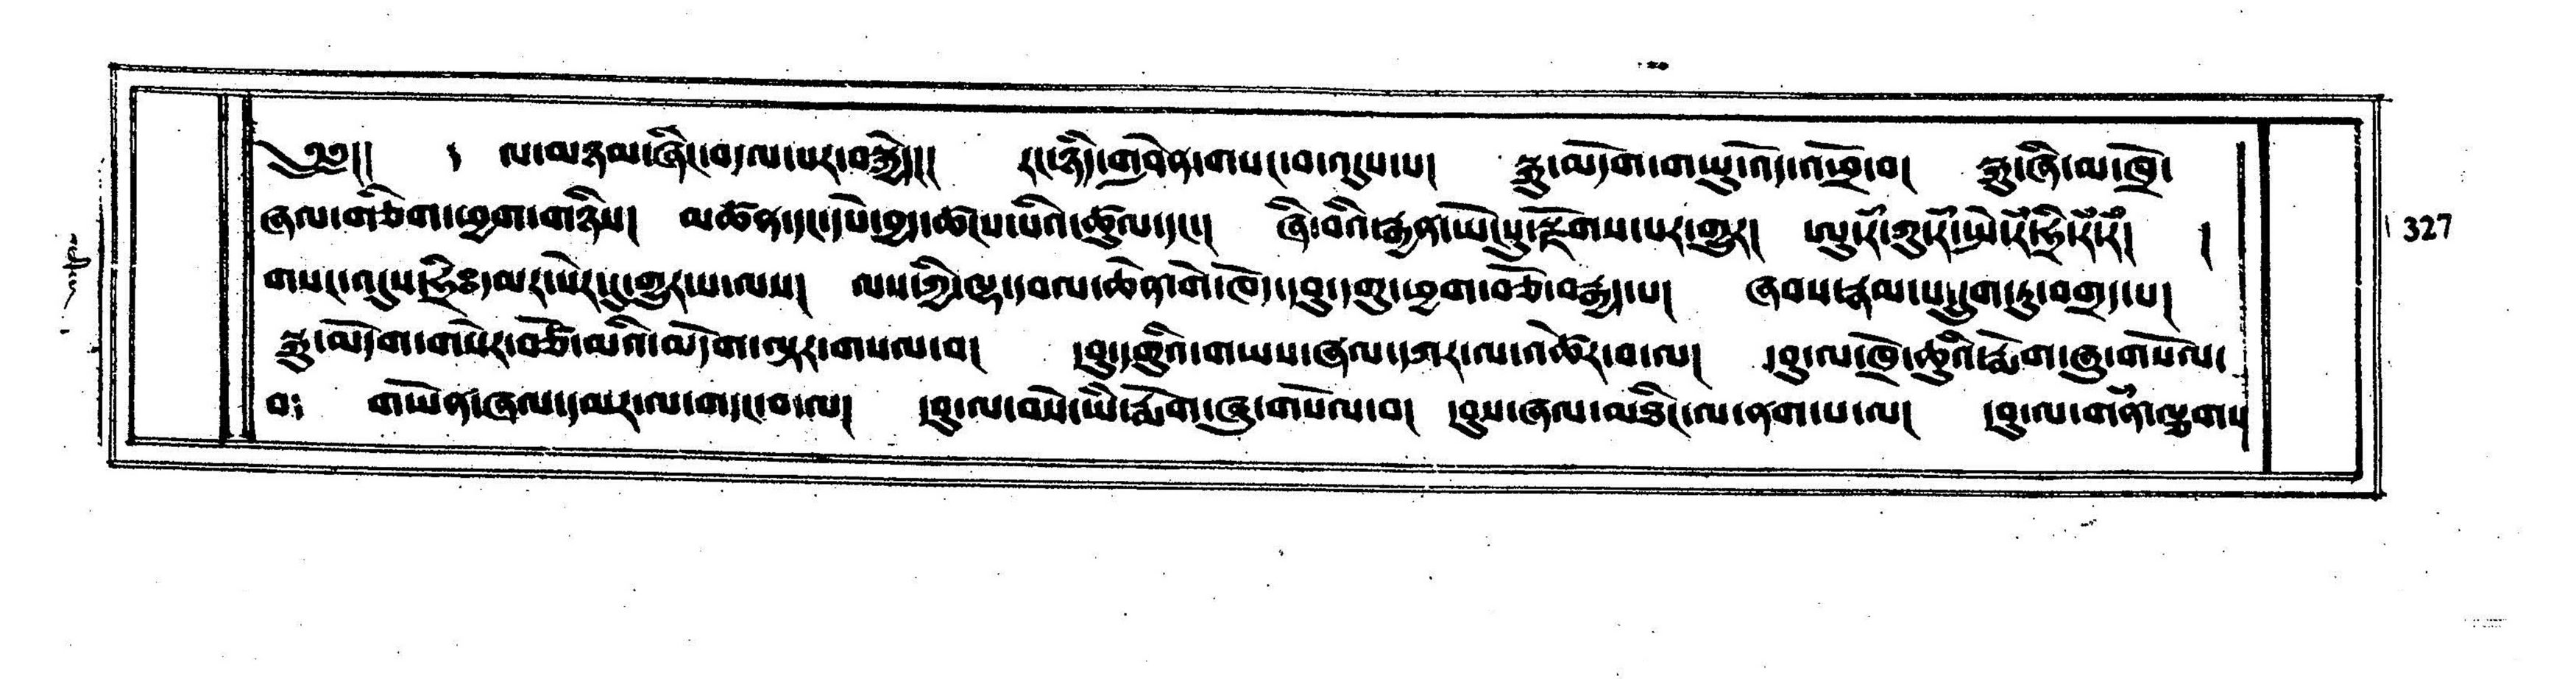ལ་མཉམ་ཞིང་བདལ་པར་བསྐྱེད། རང་ཉིད་གཤེན་གསང་བ་འདུས་པ། སྐུ་མདོག་གཡུ་འོད་འཕྲོ་བ། སྐུ་ཞི་མ་ཁྲོ་
ཞལ་གཅིག་ཕྱག་གཉིས། མཚན་དང་དཔེ་བྱད་ཚངས་པའི་ཚུལ་དང་། ཞི་བའི་རྒྱན་ཡོངས་སུ་རྫོགས་པར་གྱུར། ཨུ་རཾ་ཀུ་རཾ་སྤེ་རཾ་ཧྲི་རཾ་རཾ། 
གསང་འདུས་ཧྲིཿདམར་སེར་དུ་གྱུར་པ་ལས། ལས་ཀྱི་ལྷ་དབལ་ཆེན་གེ་ཁོད་དབུ་དགུ་ཕྱག་བཅོ་བརྒྱད་པ། ཞབས་རྣམ་པ་དྲུག་ཏུ་བགྲད་པ། 
སྐུ་མདོག་གསེར་བཙོ་མའི་མདོག་ལྟར་གསལ་བ། དབུ་དགུའི་གཡས་ཞལ་དཀར་ལ་འཚེར་བ་ལ། དབུ་ལ་ཁྲོ་ཆུའི་རྨོག་ཞུ་གསོལ་
བ། གཡོན་ཞལ་དམར་ལ་གདང་བ་ལ། དབུ་ལ་བསེ་ཡི་རྨོག་ཞུ་གསོལ་བ། དབུས་ཞལ་མཐིང་ལ་ནག་པ་ལ། དབུ་ལ་གནམ་ལྕགས་